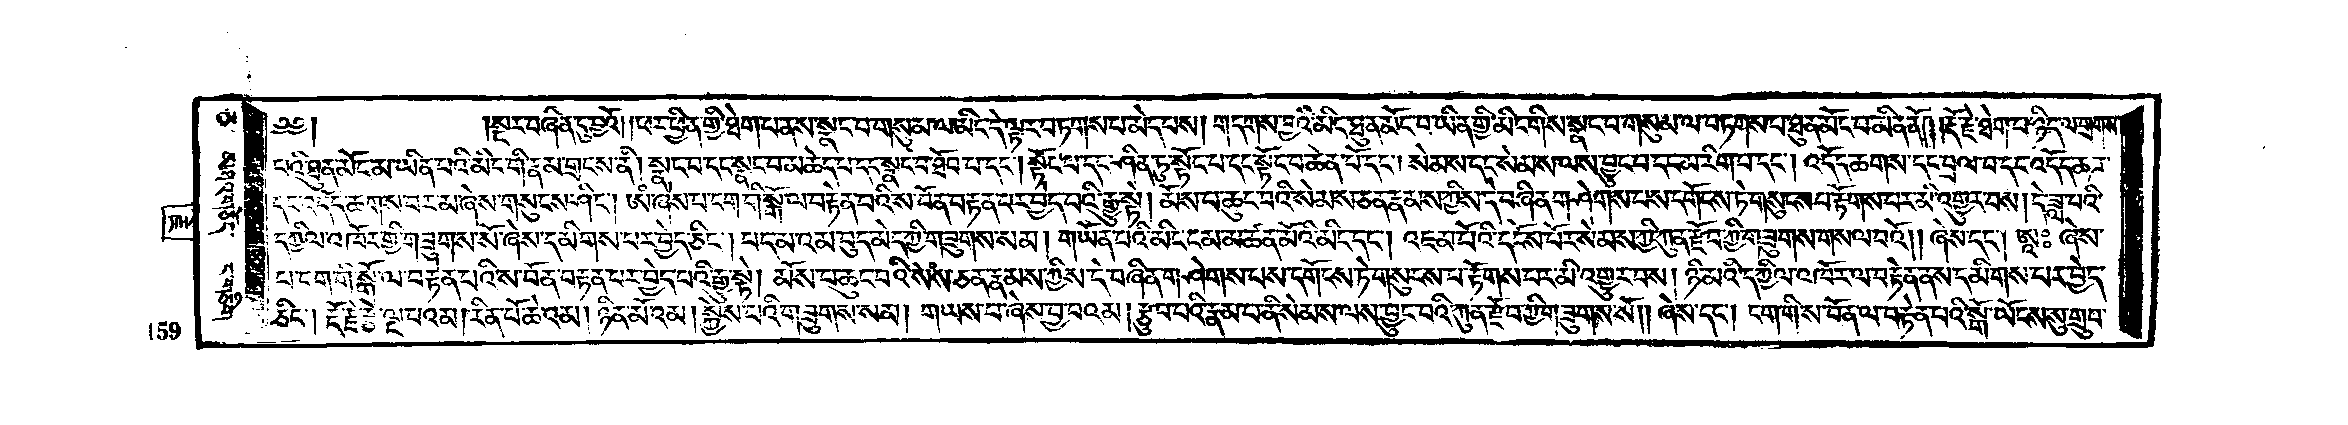༄༅། །སྔར་བཞིན་དུ་བྱའོ། །ཕར་ཕྱིན་གྱི་ཐེག་པ་ནས་སྣང་བ་གསུམ་ལ་མིང་དེ་ལྟར་བཏགས་པ་མེད་པས། གདགས་བྱའི་མིང་ཐུན་མོང་བ་ཡིན་གྱི་མིང་གིས་སྣང་བ་གསུམ་ལ་བཏགས་པ་ཐུན་མོང་བ་མིན་ནོ། ༈ །རྡོ་རྗེ་ཐེག་པ་ཉིད་ལ་གྲགས་
པའི་ཐུན་མོང་མ་ཡིན་པའི་མིང་གི་རྣམ་གྲངས་ནི། སྣང་བ་དང་སྣང་བ་མཆེད་པ་དང་སྣང་བ་ཐོབ་པ་དང་། སྟོང་པ་དང་ཤིན་ཏུ་སྟོང་པ་དང་སྟོང་པ་ཆེན་པོ་དང་། སེམས་དང་སེམས་ལས་བྱུང་བ་དང་མ་རིག་པ་དང་། འདོད་ཆགས་དང་བྲལ་བ་དང་འདོད་ཆཌ་
དང་འདོད་ཆགས་བར་མ་ཞེས་གསུངས་ཤིང་། ཨཾ་ཞེས་པ་ངག་གི་སྒོ་ལ་བརྟེན་པའི་ས་བོན་བརྟན་པར་བྱེད་པའི་རྒྱུ་སྟེ། མོས་པ་ཆུང་བའི་སེམས་ཅན་རྣམས་ཀྱིས་དེ་བཞིན་གཤེགས་པས་དགོངས་ཏེ་གསུངས་པ་རྟོགས་པར་མི་འགྱུར་བས། དེ་ཟླ་པའི་
དཀྱིལ་འཁོར་གྱི་གཟུགས་སོ་ཞེས་དམིགས་པར་བྱེད་ཅིང་། པད་མ་འམ་བུད་མེད་ཀྱི་གཟུགས་སམ། གཡོན་པའི་མིང་ངམ་མཚན་མོའི་མིང་དང་། འཇམ་པོའི་དངོས་པོར་སེམས་ཀྱི་ཀུན་རྫོབ་ཀྱི་གཟུགས་གསལ་བའོ། །ཞེས་དང་། ཨཱཿ ཞེས་
པ་ངག་གི་སྒོ་ལ་བརྟེན་པའི་ས་བོན་བརྟན་པར་བྱེད་པའི་རྒྱུ་སྟེ། མོས་པ་ཆུང་བའི་སེམས་ཅན་རྣམས་ཀྱིས་དེ་བཞིན་གཤེགས་པས་དགོངས་ཏེ་གསུངས་པ་རྟོགས་པར་མི་འགྱུར་བས། ཉི་མའི་དཀྱིལ་འཁོར་ལ་བརྟེན་ནས་དམིགས་པར་བྱེད་
ཅིང་། རྡོ་རྗེ་རྩེ་ལྔ་པའམ། རིན་པོ་ཆེ་འམ། ཉིན་མོ་འམ། སྐྱེས་པའི་གཟུགས་སམ། གཡས་པ་ཞེས་བྱ་བའམ། རྩུབ་པའི་རྣམ་པ་ནི་སེམས་ལས་བྱུང་བའི་ཀུན་རྫོབ་ཀྱི་གཟུགས་སོ།། ཞེས་དང་། ངག་གི་ས་བོན་ལ་བརྟེན་པའི་སྒོ་ཡོངས་སུ་གྲུབ་